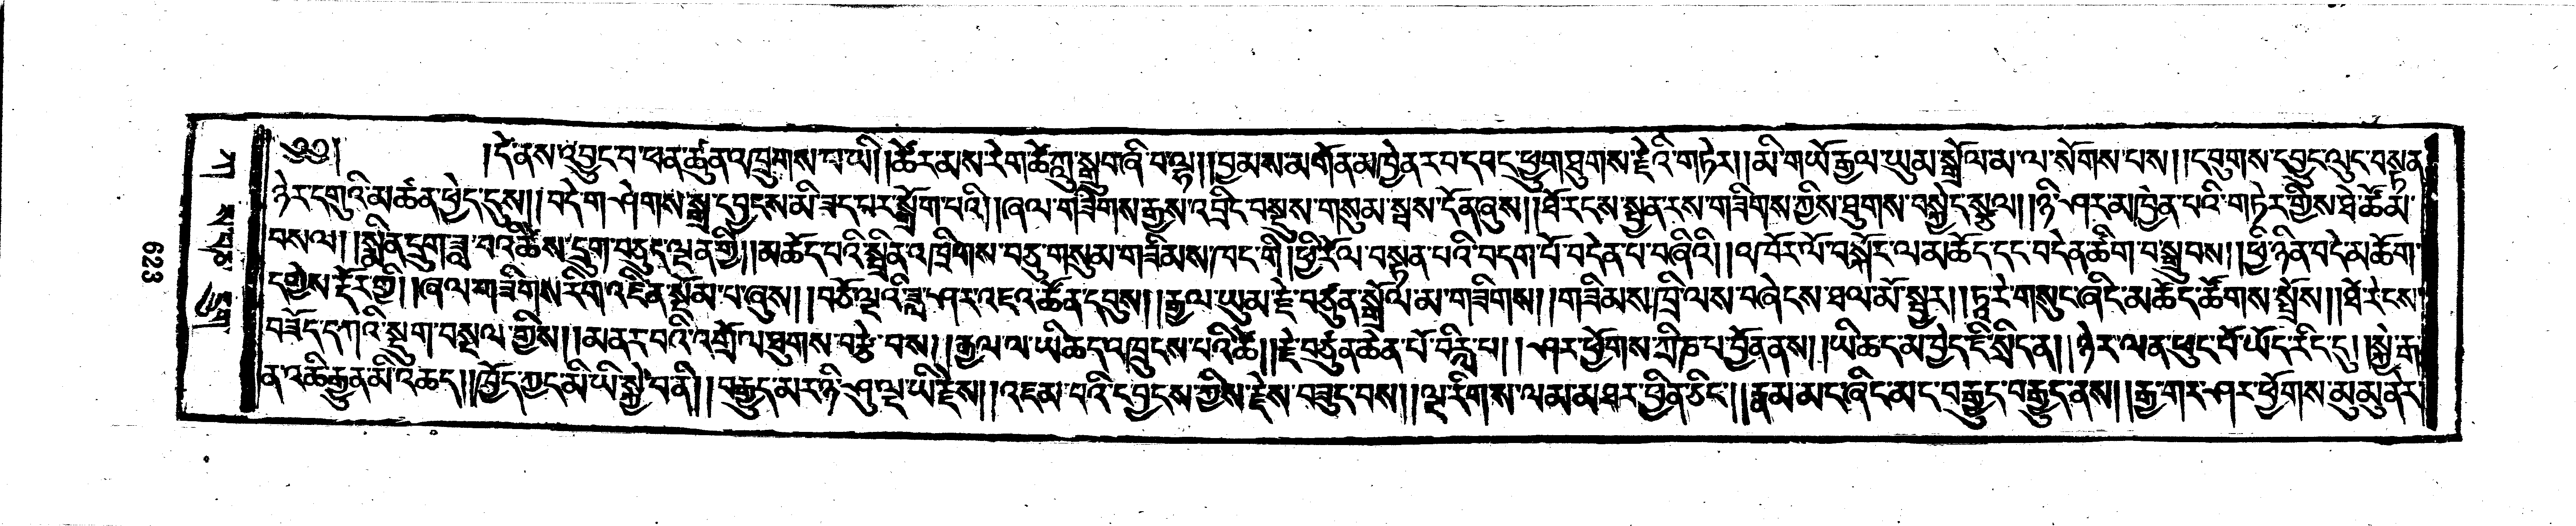༄༅། །དེ་ནས་འབྱུང་བ་ཕན་ཚུན་འཁྲུགས་པ་ཡི། །ཚེར་མས་རེག་ཚེ་ཀླུ་སྒྲུབ་ཞི་བ་ལྷ། །བྱམས་མགོན་མཁྱེན་རབ་དབང་ཕྱུག་ཐུགས་རྗེའི་གཏེར། །མི་གཡོ་རྒྱལ་ཡུམ་སྒྲོལ་མ་ལ་སོགས་པས། །དབུགས་དབྱུང་ལུང་བསྟན་
ཉེར་དགུའི་མཚན་ཕྱེད་དུས། །བདེ་གཤེགས་སྒྲ་དབྱངས་མི་ཟད་པར་སྒྲོག་པའི། །ཞལ་གཟིགས་རྒྱས་འབྲིང་བསྡུས་གསུམ་སྦས་དོན་ཞུས། །ཐོ་རངས་སྤྱན་རས་གཟིགས་ཀྱིས་ཐུགས་བསྐྱེད་སྩལ། །ཉི་ཤར་མཁྱེན་པའི་གཏེར་གྱིས་ཐེ་ཚོམ་
བསལ། །སྨིན་དྲུག་ཟླ་བའི་ཚེས་དྲུག་བཅུད་ལྡན་གྱི། །མཆོད་པའི་སྤྲིན་འཁྲིགས་བཅུ་གསུམ་གཟིམས་ཁང་གི །ཕྱི་རོལ་བསྟན་པའི་བདག་པོ་བདེན་པ་བཞིའི། །འཁོར་ལོ་བསྐོར་ལ་མཆོད་དང་བདེན་ཚིག་བསྒྲུབས། །ཕྱི་ཉིན་བདེ་མཆོག་
དགྱེས་རྡོར་གྱི། །ཞལ་གཟིགས་རིག་འཛིན་སྡོམ་པ་ཞུས། །བཅོ་ལྔའི་ཟླ་ཤར་འཇའ་ཚོན་དབུས། །རྒྱལ་ཡུམ་རྗེ་བཙུན་སྒྲོལ་མ་གཟིགས། །གཟིམས་ཁྲི་ལས་བཞེངས་ཐལ་མོ་སྦྱར། །ཏཱ་རེ་གསུང་ཞིང་མཆོད་ཚོགས་སྤྲོས། །ཐོ་རེངས་
བཟོད་དཀའི་སྡུག་བསྔལ་གྱིས། །མནར་བའི་འགྲོ་ལ་ཐུགས་བརྩེ་བས། །རྒྱལ་ལ་ཡི་ཆད་འཁྲུངས་པའི་ཚེ། །རྗེ་བཙུན་ཆེན་པོ་བིརྭ་པ། །ཤར་ཕྱོགས་ཀྲི་ཎ་པ་བྱོན་ནས། །ཡི་ཆད་མ་བྱེད་ཇི་སྲིད་ན། །ཉེར་ལེན་ཕུང་པོ་ཡོད་རིང་དུ། །སྐྱེ་རྒ་
ན་འཆི་རྒྱུན་མི་འཆད། །ཁྱོད་ཀྱང་མི་ཡི་སྐྱེ་བ་ནི། །བརྒྱུད་མར་ཉི་ཤུ་ལྔ་ཡི་རྗེས། །འཇམ་པའི་དབྱངས་ཀྱིས་རྗེས་བཟུང་བས། །ལྔ་རིགས་ལམ་མཐར་ཕྱིན་ཅིང་། །རྣམ་མང་ཞིང་མང་བརྒྱུད་བརྒྱུད་ནས། །རྒྱ་གར་ཤར་ཕྱོགས་མུ་མུ་ནར། །